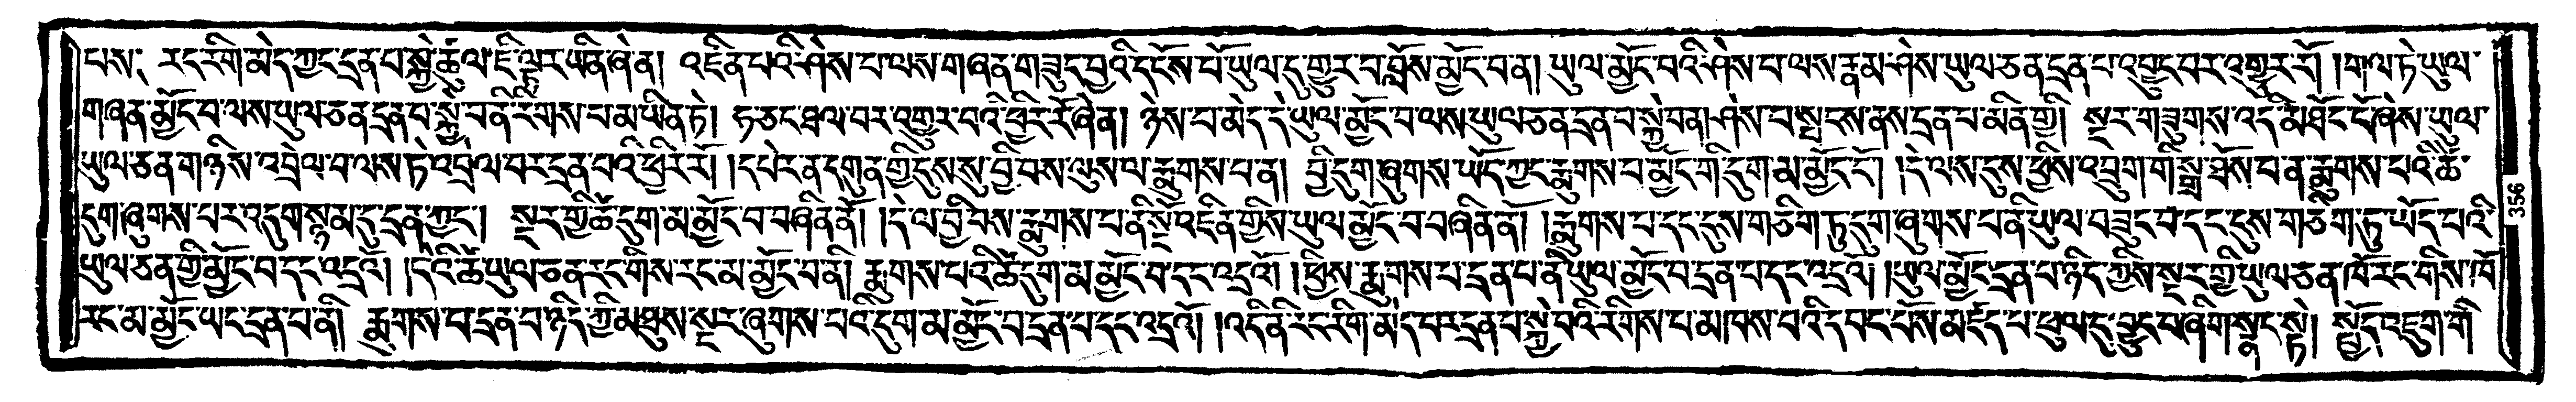པས༑ རང་རིག་མེད་ཀྱང་དྲན་པ་སྐྱེ་ཚུལ་ཇི་ལྟར་ཡིན་ཞེ་ན། འཛིན་པའི་ཤེས་པ་ལས་གཞན་གཟུང་བྱའི་དངོས་པོ་ཡུལ་དུ་གྱུར་པ་བློས་མྱོང་བ་ན། ཡུལ་མྱོང་བའི་ཤེས་པ་ལས་རྣམ་ཤེས་ཡུལ་ཅན་དྲན་པ་འབྱུང་བར་འགྱུར་རོ། །གལ་ཏེ་ཡུལ་
གཞན་མྱོང་བ་ལས་ཡུལ་ཅན་དྲན་པ་སྐྱེ་བ་ནི་རིགས་པ་མ་ཡིན་ཏེ། ཧ་ཅང་ཐལ་བར་འགྱུར་བའི་ཕྱིར་རོ་ཞེ་ན། ཉེས་པ་མེད་དེ་ཡུལ་མྱོང་བ་ལས་ཡུལ་ཅན་དྲན་པ་སྐྱེ་བ་ན། ཤེས་པ་སྤངས་ནས་དྲན་པ་མིན་གྱི། སྔར་གཟུགས་འདི་མཐོང་ངོ་ཞེས་ཡུལ་
ཡུལ་ཅན་གཉིས་འབྲེལ་བ་ལས་ཏེ་འབྲེལ་བར་དྲན་པའི་ཕྱིར་རོ། །དཔེར་ན་དགུན་གྱི་དུས་སུ་བྱི་བས་ལུས་ལ་རྨུགས་པ་ན། བྱི་དུག་ཞུགས་ཡོད་ཀྱང་རྨུགས་པ་མྱོང་གི་དུག་མ་མྱོང་ངོ། །དེ་ལས་དུས་ཕྱིས་འབྲུག་གི་སྒྲ་ཐོས་པ་ན་རྨུགས་པའི་ཚེ་
དུག་ཞུགས་པར་འདུག་སྙམ་དུ་དྲན་ཀྱང་། སྔར་གྱི་ཚེ་དུག་མ་མྱོང་བ་བཞིན་ནོ། །དེ་ལ་བྱི་བས་རྨུགས་པ་ནི་སྔོ་འཛིན་གྱིས་ཡུལ་མྱོང་བ་བཞིན་ནོ། །རྨུགས་པ་དང་དུས་གཅིག་ཏུ་དུག་ཞུགས་པ་ནི་ཡུལ་བཟུང་བ་དང་དུས་གཅིག་ཏུ་ཡོད་པའི་
ཡུལ་ཅན་གྱི་མྱོང་བ་དང་འདྲའོ། །དེའི་ཚེ་ཡུལ་ཅན་རང་གིས་རང་མ་མྱོང་བ་ནི། རྨུགས་པའི་ཚེ་དུག་མ་མྱོང་བ་དང་འདྲའོ། །ཕྱིས་རྨུགས་པ་དྲན་པ་ནི་ཡུལ་མྱོང་བ་དྲན་པ་དང་འདྲའོ། །ཡུལ་མྱོང་དྲན་པ་ཉིད་ཀྱིས་སྔར་གྱི་ཡུལ་ཅན་ཁོ་རང་གིས་ཁོ་
རང་མ་མྱོང་ཡང་དྲན་པ་ནི། རྨུགས་པ་དྲན་པ་ཉིད་ཀྱི་མཐུས་སྔར་ཞུགས་པའི་དུག་མ་མྱོང་བ་དྲན་པ་དང་འདྲའོ། །འདི་ནི་རང་རིག་མེད་པར་དྲན་པ་སྐྱེ་བའི་རིགས་པ་མཁས་པའི་དབང་པོས་མཛད་པ་ཕུལ་དུ་བྱུང་བ་ཞིག་སྣང་སྟེ། སྤྱོད་འཇུག་གི་